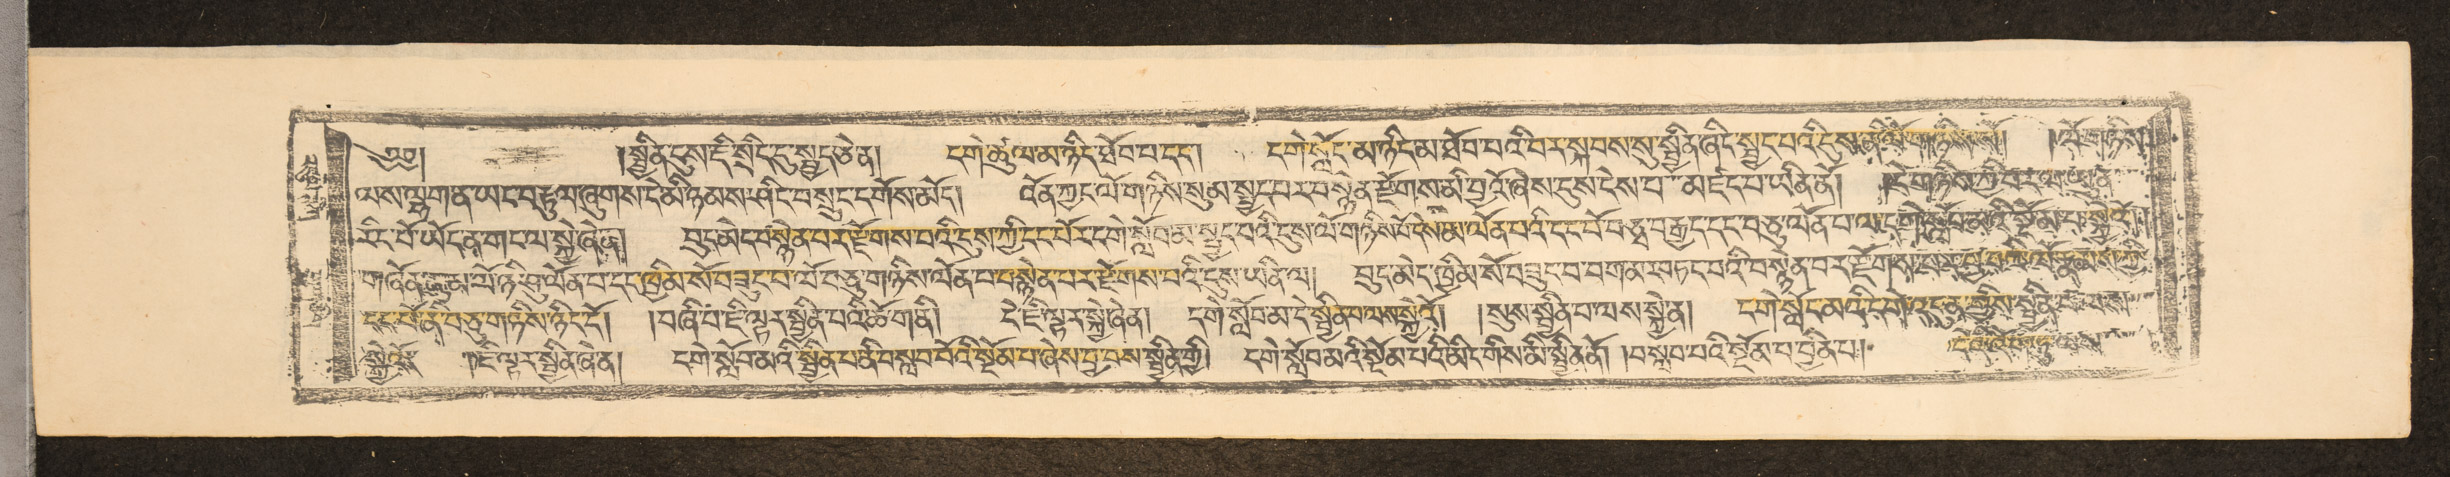༄༅། །སྦྱིན་དུས་ཇི་སྲིད་དུ་སྤྱད་ཅེ་ན། དགེ་ཚུལ་མ་ཉིད་ཐོབ་པ་དང་། དགེ་སློང་མ་ཉིད་མ་ཐོབ་པའི་བར་སྐབས་སུ་སྦྱིན་ཞིང་སྤྱད་པའི་དུས་ནི་ལོ་གཉིས་སོ། །ལོ་གཉིས་
ལས་ལྷག་ན་ཡང་བརྟུལ་ཞུགས་དེ་མི་ཉམས་ཤིང་བསྲུང་དགོས་མོད། འོན་ཀྱང་ལོ་གཉིས་སུ་མ་སྤྱད་པར་བསྙེན་རྫོགས་མི་བྱའོ་ཞེས་དུས་ངེས་པ་མཛད་པ་ཡིན་ནོ། །དེ་གཉིས་ཀྱི་བར་ལ་ཡུན་
རིང་པོ་ཡོད་ན་གང་ལ་སྐྱེ་ཞེ་ན། བུད་མེད་བསྙེན་པར་རྫོགས་པའི་དུས་ཀྱི་དང་པོར་དགེ་སློབ་མ་སྤྱད་པའི་དུས་ལོ་གཉིས་བོ་དེས་མ་ལོན་པའི་དང་པོ་བཅྭ་བརྒྱད་དང་བཅུ་ལོན་པ་ལ་དགེ་སློང་མའི་སྡོམ་པ་སྐྱེའོ།།
གཞོན་ནུ་མ་ལོ་ཉི་ཤུ་ལོན་པ་དང་ཁྱིམ་སོ་བཟུང་བ་ལོ་བཅུ་གཉིས་ལོན་པ་བསྙེན་བར་རྫོགས་པའི་དུས་ཡིན་ལ། བུད་མེད་ཁྱིམ་སོ་བཟུང་བ་བག་མ་རབ་ཏང་བའི་བསྙེན་པར་རྫོགས་པར་བྱ་བའི་ལོ་རྣམས་ཀྱི་
དང་པོ་ནི་བཅུ་གཉིས་ཉིད་དོ། །བཞི་པ་ཇི་ལྟར་སྦྱིན་པའི་ཆོ་ག་ནི། དེ་ཇི་ལྟར་སྐྱེ་ཞེ་ན། དགེ་སློབ་མ་དེ་སྦྱིན་པ་ལས་སྐྱེའོ། །སུས་སྦྱིན་པ་ལས་སྐྱེ་ན། དགེ་སློང་མའི་དགེ་འདུན་གྱིས་སྦྱིན་པ་ལས་
སྐྱེའོ༑ །ཇི་ལྟར་སྦྱིན་ཞེ་ན། དགེ་སློབ་མའི་སྦྱིན་པ་ནི་བསླབ་པའི་སྡོམ་པ་ཞེས་བྱ་བས་སྦྱིན་གྱི། དགེ་སློབ་མའི་སྡོམ་པའི་མིང་གིས་མི་སྦྱིན་ནོ། །བསླབ་པའི་སྡོམ་པ་བྱིན་པ། དེའི་འོག་ཏུ་ལས་